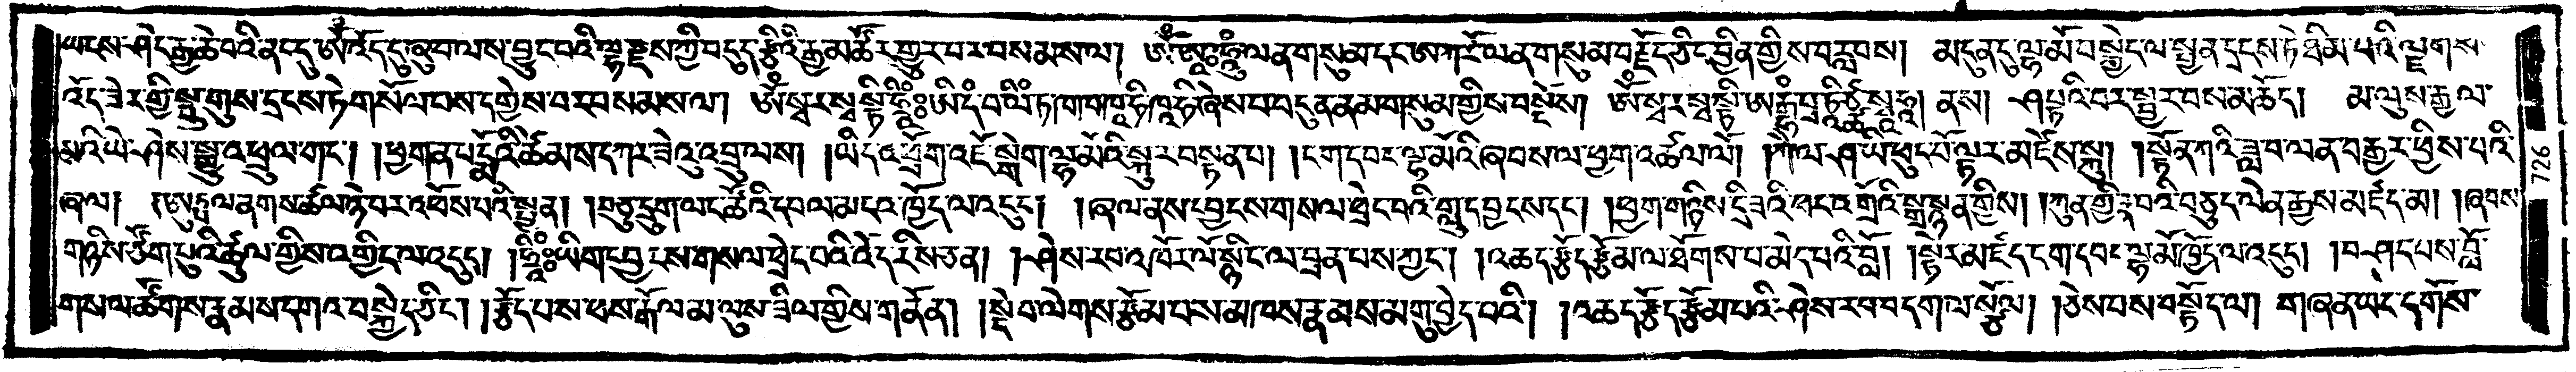ཡངས་ཤེར་རྒྱ་ཆེ་བའི་ནང་དུ་ཨོཾ་འོད་དུ་ཞུབ་ལས་བྱུང་བའི་ལྷ་རྫས་ཀྱི་བདུད་རྩིའི་རྒྱ་མཚོར་གྱུར་པར་བསམས་ཝ། ཨོཾ་ཨཱཿ ཧཱུཾ་ལན་གསུམ་དང་ཨ་ཀ་རོ་ལན་གསུམ་བརྗོད་ཅིང་བྱིན་གྱིས་བརླབས། མདུན་དུ་ལྷ་མོ་བསྐྱེང་ལ་སྤྱན་དྲངས་ཏེ་ཐིམ་བའི་ལྔག་
འོད་ཟེར་གྱི་སྦུ་གུས་དྲངས་ཏེ་གསོལ་བས་དགྱེས་བར་བསམས་ལ། ཨོཾ་སྭ་རསྭ་སྡྟི་ཧཱཿ ཨི་དཾ་པ་ལེ་ཏཾ་ཁ་ཁ་ཁཱ་ཧི་ཁྰྷི་ཞེས་པ་བདུན་ནམ་གསུམ་གྱིས་བསྔོས། ཨོཾ་སྭ་ར་སྭ་སྟོ་ཨརྒཧཾ་ཕྲ་ཏཱི་ཙྪ་སྭཱཧཱ། ནས། ཤཔྟའི་བར་སྦྱར་བས་མཆོད། མ་ལུས་རྒྱལ་
པའི་ཡེ་ཤེས་སྒྱུ་འགྲུལ་གང་། །ཕྱག་ན་པདམོའི་ཚེམས་དཀར་ཟེའུ་འཐུ་ལས། །ཡིད་འཕྲོག་འཇོ་སྒོག་ལྷ་མོའི་སྐུར་བསྟན་པ། །ངག་དཔང་ལྷ་མོའི་ཞབས་ལ་ཕྱག་འཚལ་ལོ། །ཀཻ་ལ་ཤ་ཡི་ཕུང་པོ་ལྟར་མཛེས་སྐུ། །སྟོན་ཀའི་ཟླ་བ་ལན་བརྒྱར་ཕྱིས་བའི་
ཞལ༑ ༑ཨུརྤལ་ནགས་ཚལ་ཉེ་པར་འཐོས་པའི་སྤྱན། །བཅུ་དྲུག་ལང་ཚོའི་དཔལ་མངའ་ཁྱོད་ལ་འདུང་། །ཞལ་ནས་དབྱངས་གསལ་ཕྲེང་བའི་གླུ་དབྱངས་དང་། །ཕྱག་གཉིས་དྲི་བའི་ཕང་འགྲོའི་སྒྲ་སྙན་གྱིས། །ཀུན་གྱི་རྣ་བའི་བཅུད་ལེན་རྒྱས་མཛད་དམ། །ཞབས་
གཉིས་ཙོག་པུའི་ཚུལ་གྱིས་འགྱིད་ལ་འདུད། །ཧྲཱིཿ ཡིག་དབྱངས་གསལ་ཕྲེང་བའི་འོད་རིས་ཅན། །ཤེས་རབ་འཁོར་ལོ་སྙིང་ལ་བྲན་བས་ཀྱང་། །འཆད་རྩོད་རྩོམ་ལ་ཐོགས་པ་མེད་པའི་བློ། །སྟེར་མཛད་ངག་དབང་ལྷ་མོ་ཁྱོད་ལ་འདུད། །བཤད་པས་བློ་
གསལ་ཚོགས་རྣམས་དགའ་བསྐྱེད་ཅིང་། །རྩོང་བས་ཕས་རྒོ་ལམ་ལུས་ཟིལ་གྱིས་གནོན། །སྡེ་བ་ལེགས་རྩོམ་པས་མཁས་རྣམས་མགུ་བྱེད་པའི། །འཆད་རྩོད་རྩོམ་པའི་ཤེས་རབ་བདག་ལ་སྩོལ། །ཅེས་བས་བསྟོད་ལ། གཞན་ཡང་དགོས་